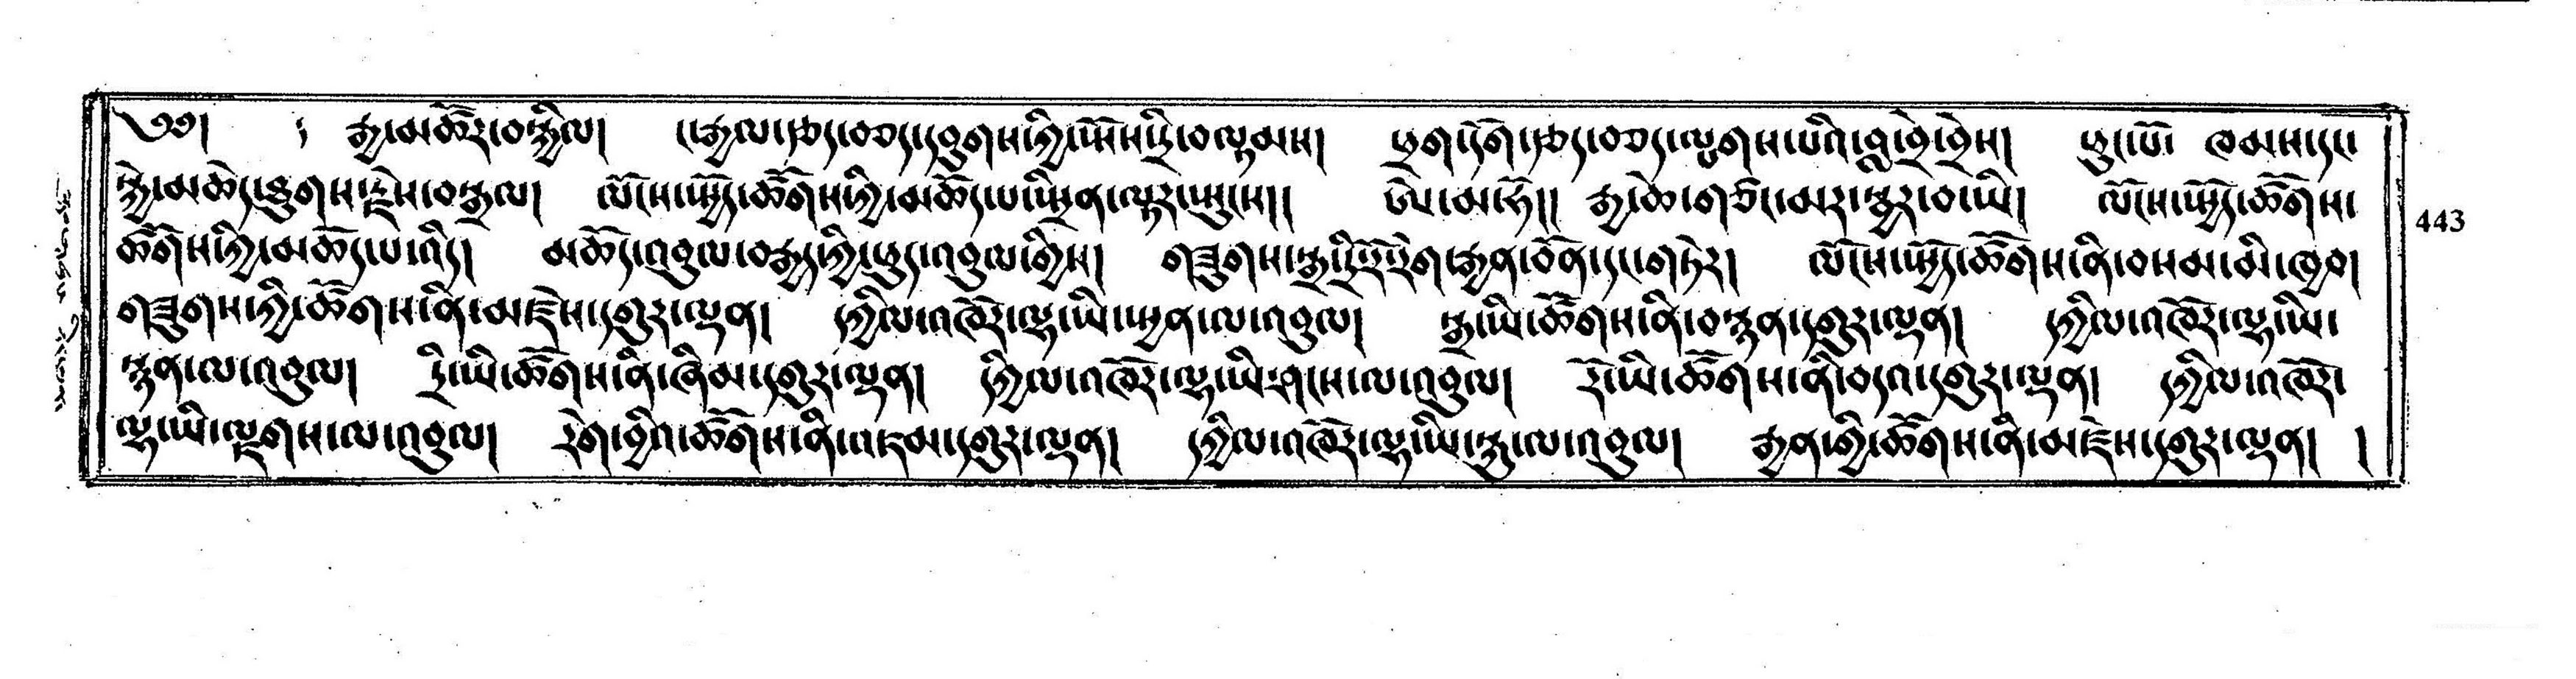རྒྱ་མཚོར་བསྐྱིལ། ང་རྒྱལ་རྩད་བཅད་དབུགས་ཀྱི་སྤོས་དྲི་བལྟམས། ཕྲག་དོག་རྩད་བཅད་ལྤགས་པའི་བླ་བྲེ་བྲེས། ཕུང་པོ་ཁམས་དང་
སྐྱེ་{456}མཆེད་ཐུགས་རྗེས་བསྒྲལ། ལོངས་སྤྱོད་ཚོགས་ཀྱི་མཆོད་པ་སྤྲིན་ལྟར་སྤུངས།། ཨེ་མ་ཧོ།། རྒྱ་ཆེ་གཙང་མར་སྦྱར་བ་ཡི། ལོངས་སྤྱོད་ཚོགས་
ཚིོགས་ཀྱི་མཆོད་པ་འདི། མཆོད་འབུལ་བརྒྱད་ཀྱི་ཕུད་འབུལ་གྱིས། གཟུགས་སྒྲ་དྲི་རོ་རེག་རྒྱན་བོན་དང་གཏེར། ལོངས་སྤྱོད་ཚོགས་ནི་བསམ་མི་ཁྱབ། 
གཟུགས་ཀྱི་ཚོགས་ནི་མཛེས་དགུར་ལྡན། དཀྱིལ་འཁོར་ལྷ་ཡི་སྤྱན་ལ་འབུལ། སྒྲ་ཡི་ཚོགས་ནི་སྙན་དགུར་ལྡན། དཀྱིལ་འཁོར་ལྷ་ཡི་
སྙན་ལ་འབུལ། དྲི་ཡི་ཚོགས་ནི་ཞིམ་དགུར་ལྡན། དཀྱིལ་འཁོར་ལྷ་ཡི་ཤངས་ལ་འབུལ། རོ་ཡི་ཚོགས་ནི་བདའ་དགུར་ལྡན། དཀྱིལ་འཁོར་
ལྷ་ཡི་ལྗགས་ལ་འབུལ། རེག་བྱའི་ཚོགས་ནི་འཇམ་དགུར་ལྡན། དཀྱིལ་འཁོར་ལྷ་ཡི་སྐུ་ལ་འབུལ། རྒྱན་གྱི་ཚོགས་ནི་མཛེས་དགུར་ལྡན།